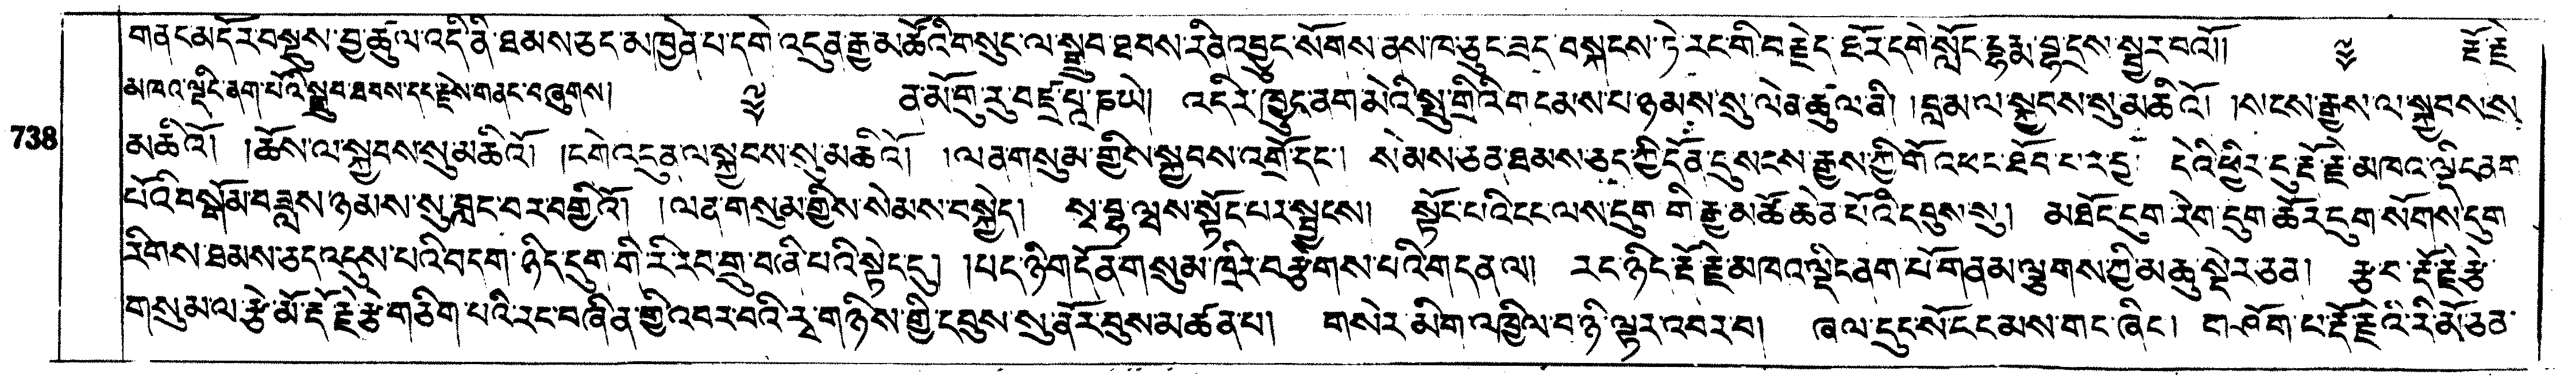༈ རྡོ་རྗེ་
མཁའ་ལྡིང་ནག་པོའི་སྒྲུབ་ཐབས་དང་རྗེས་གནང་བཞུགས། ༈ ན་མོ་གུ་རུ་བཛྲ་པཱ་ཎ་ཡེ། འདིར་ཁྱུང་ནག་མེའི་སྤུ་གྲིའི་གདམས་པ་ཉམས་སུ་ལེན་ཚུལ་ནི། །བླ་མ་ལ་སྐྱབས་སུ་མཆིའོ། །སངས་རྒྱས་ལ་སྐྱབས་སུ་
མཆིའོ། །ཆོས་ལ་སྐྱབས་སུ་མཆིའོ། །དགེ་འདུན་ལ་སྐྱབས་སུ་མཆིའོ། །ལན་གསུམ་གྱིས་སྐྱབས་འགྲོ་དང་། སེམས་ཅན་ཐམས་ཅད་ཀྱི་དོན་དུ་སངས་རྒྱས་ཀྱི་གོ་འཕང་ཐོབ་པར་བྱ། དེའི་ཕྱིར་དུ་རྡོ་རྗེ་མཁའ་ལྡིང་ནག་
པོའི་བསྒོམ་བཟླས་ཉམས་སུ་བླང་བར་བགྱིའོ། །ལན་གསུམ་གྱིས་སེམས་བསྐྱེད། སྭ་བྷ་ཝས་སྟོང་པར་སྦྱངས། སྟོང་པའི་ངང་ལས་དུག་གི་རྒྱ་མཚོ་ཆེན་པོའི་དབུས་སུ། མཐོང་དུག་རེག་དུག་ཆོར་དུག་སོགས་དུག་
རིགས་ཐམས་ཅད་འདུས་པའི་བདག་ཉིད་དུག་གི་རི་རབ་གྲུ་བཞི་པའི་སྟེང་དུ། །པད་ཉི་གདོན་གསུམ་ཁྲིར་བརྩགས་པའི་གདན་ལ། རང་ཉིད་རྡོ་རྗེ་མཁའ་ལྡིང་ནག་པོ་གནམ་ལྕགས་ཀྱི་མཆུ་སྡེར་ཅན། རྩ་བ་རྡོ་རྗེ་རྩེ་
གསུམ་ལ་རྩེ་མོ་རྡོ་རྗེ་རྩེ་གཅིག་པའི་རང་བཞིན་གྱི་འབར་བའི་རྭ་གཉིས་ཀྱི་དབུས་སུ་ནོར་བུས་མཚན་པ། གསེར་མིག་འཁྱིལ་བ་ཉི་ལྟར་འབར་བ། ཞལ་དུང་སོང་ངམས་གང་ཞིང་། གཤོག་པ་རྡོ་རྗེའི་རི་མོ་ཅ་